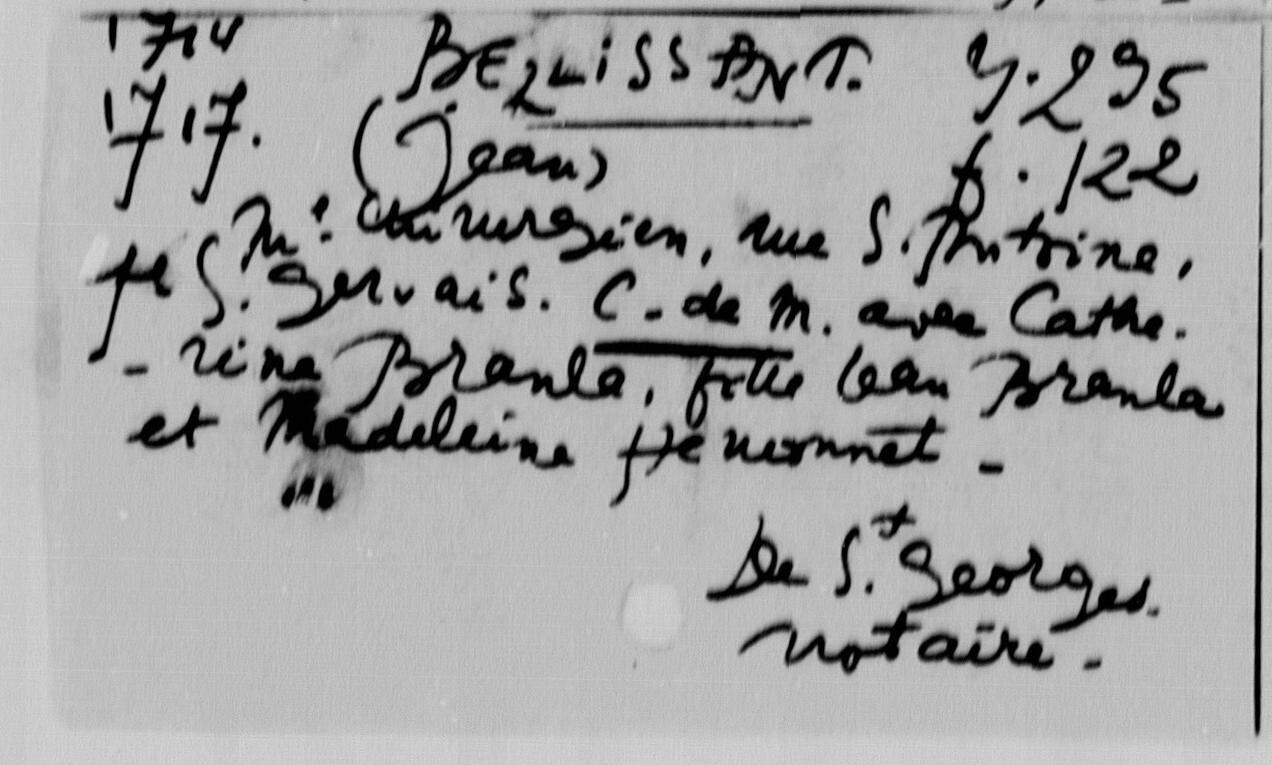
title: BELLISSANT (Jean)
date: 1714-1717
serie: Y
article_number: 295
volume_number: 122
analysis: Maître chirurgien, rue Saint-Antoine, paroisse Saint-Gervais. Contrat de mariage avec Catherine BRANLA, fille Jean BRANLA et Madeleine HEMONNET. De Saint-Georges, notaire.
